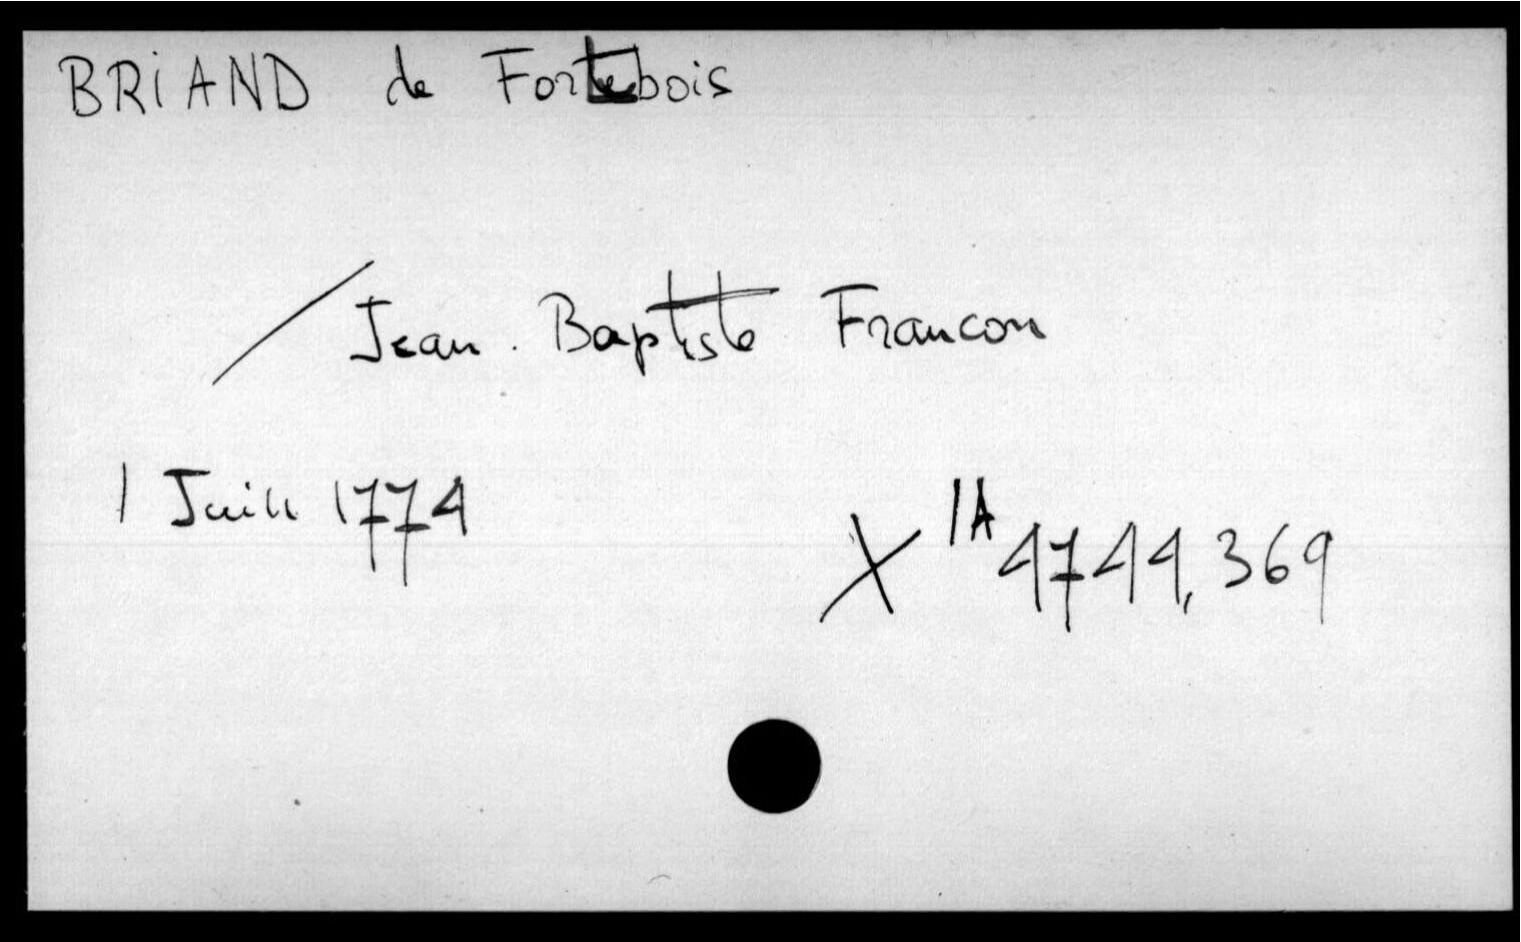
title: BRIAND de Fortebois
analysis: Contre Jean-Baptiste Francon
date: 1 juin 1774
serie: X1A
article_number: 4744
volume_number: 369
